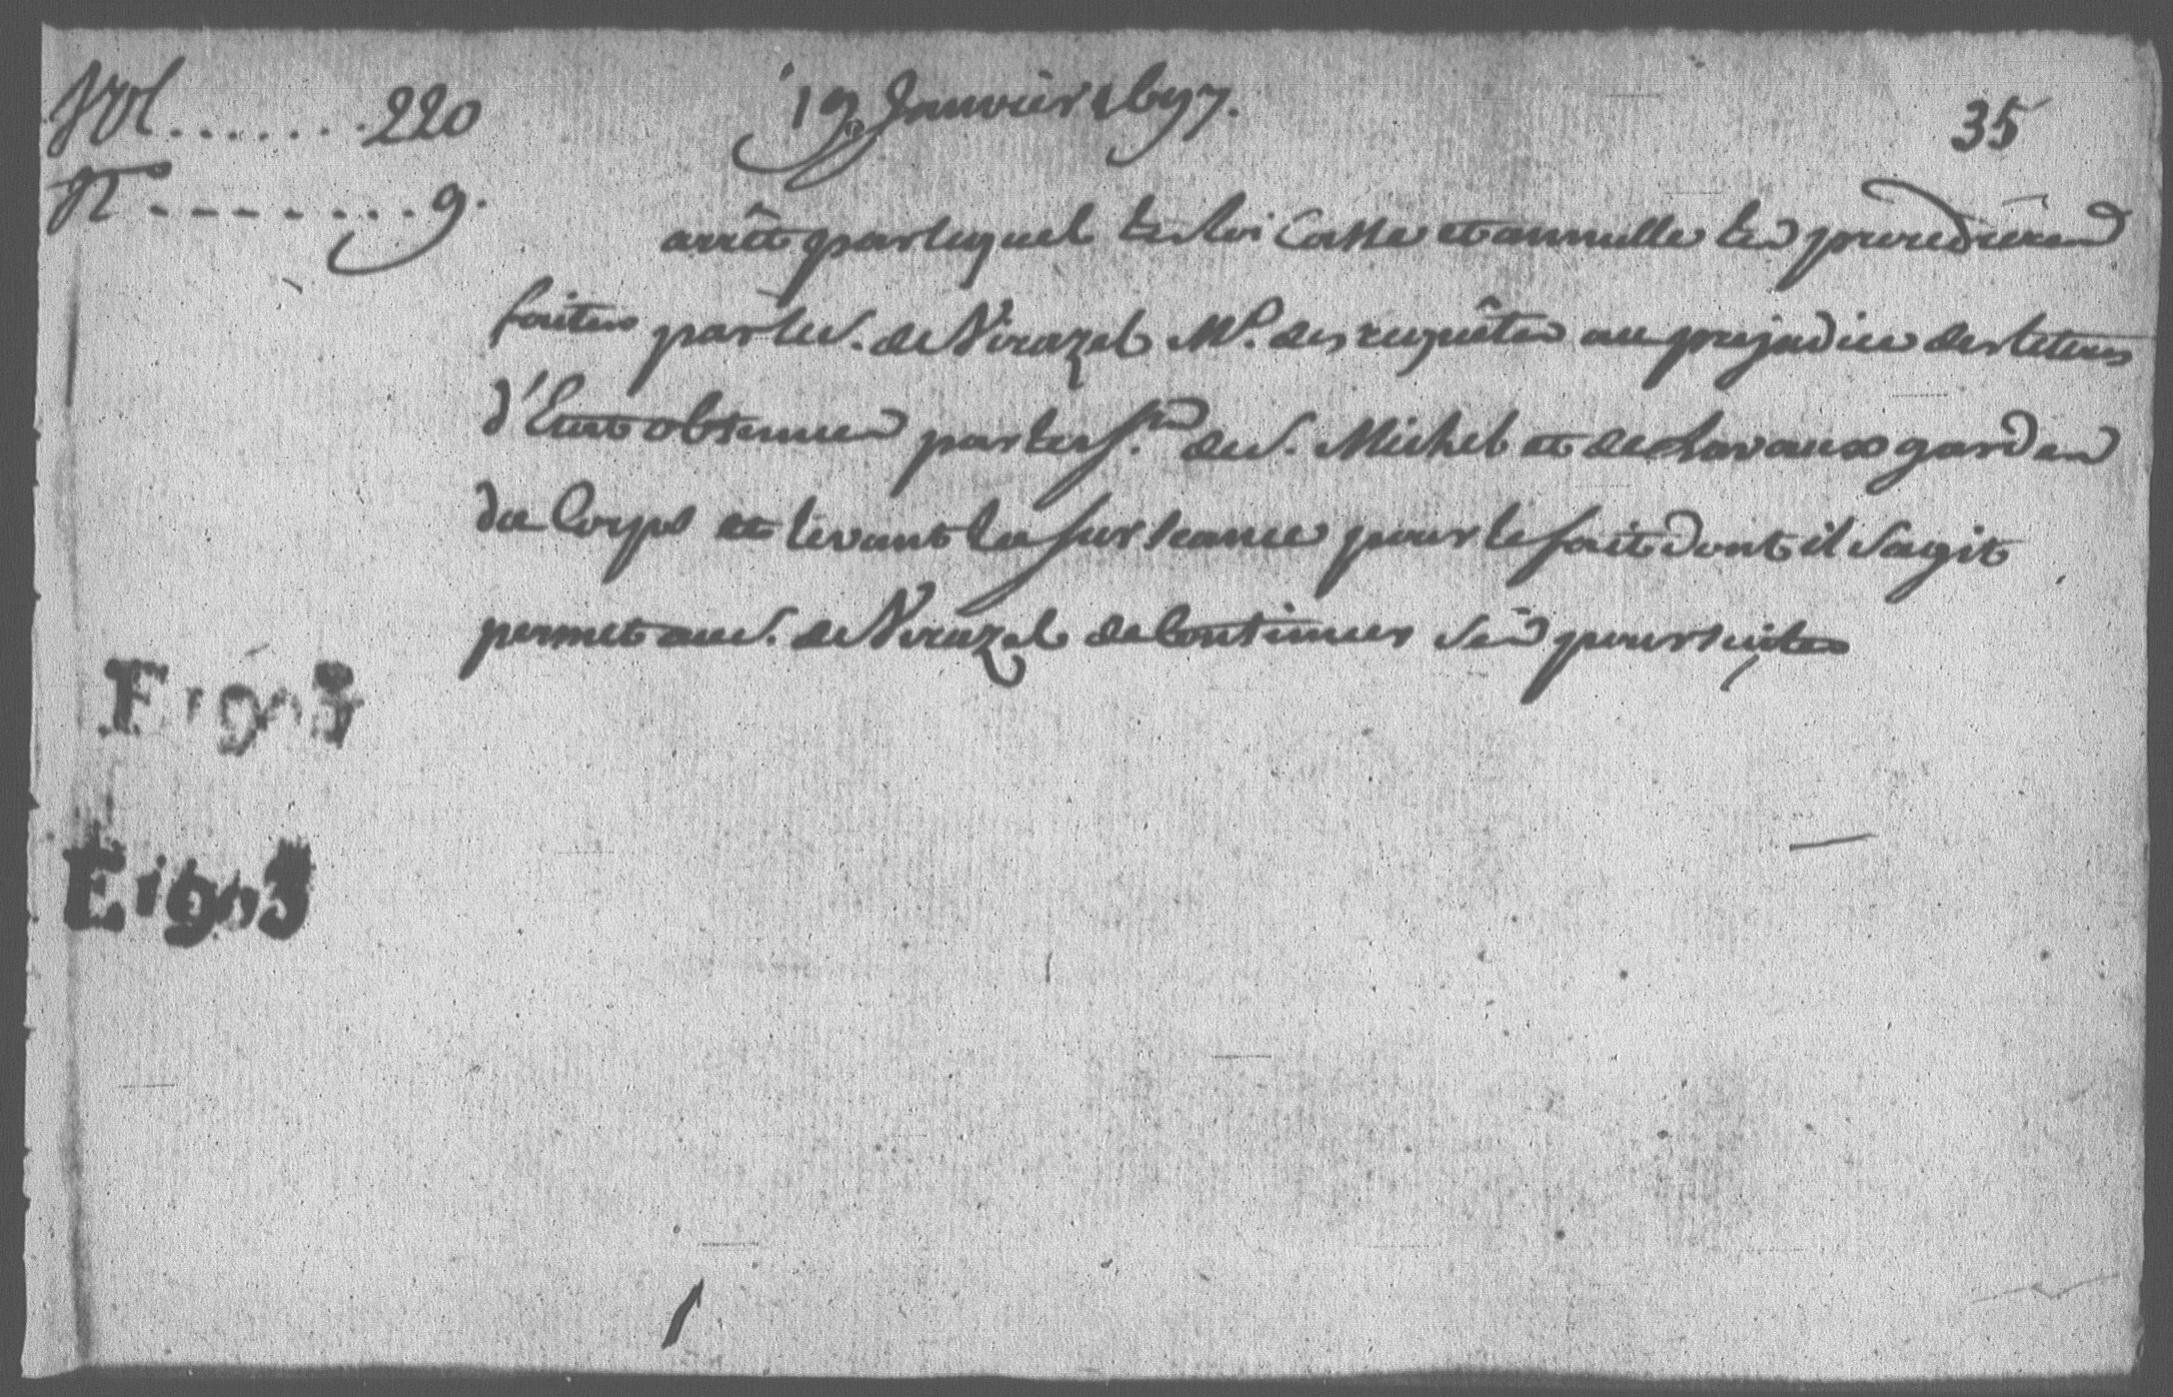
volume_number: n°9
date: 19 janvier 1697
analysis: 35
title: arrêt par lequel le Roi Casse et annulle les procedures faites par le S. de Virazel M.e des requêtes au préjudice des lettres d'Etat obtenues par les S.r de S. Michel et de Lavaux gardes du Corps et levant la surseance pour le fait dont il sagit, permet au S. de Virazel de Continuer ses poursuites
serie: E
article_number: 1903
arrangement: vol. 220
